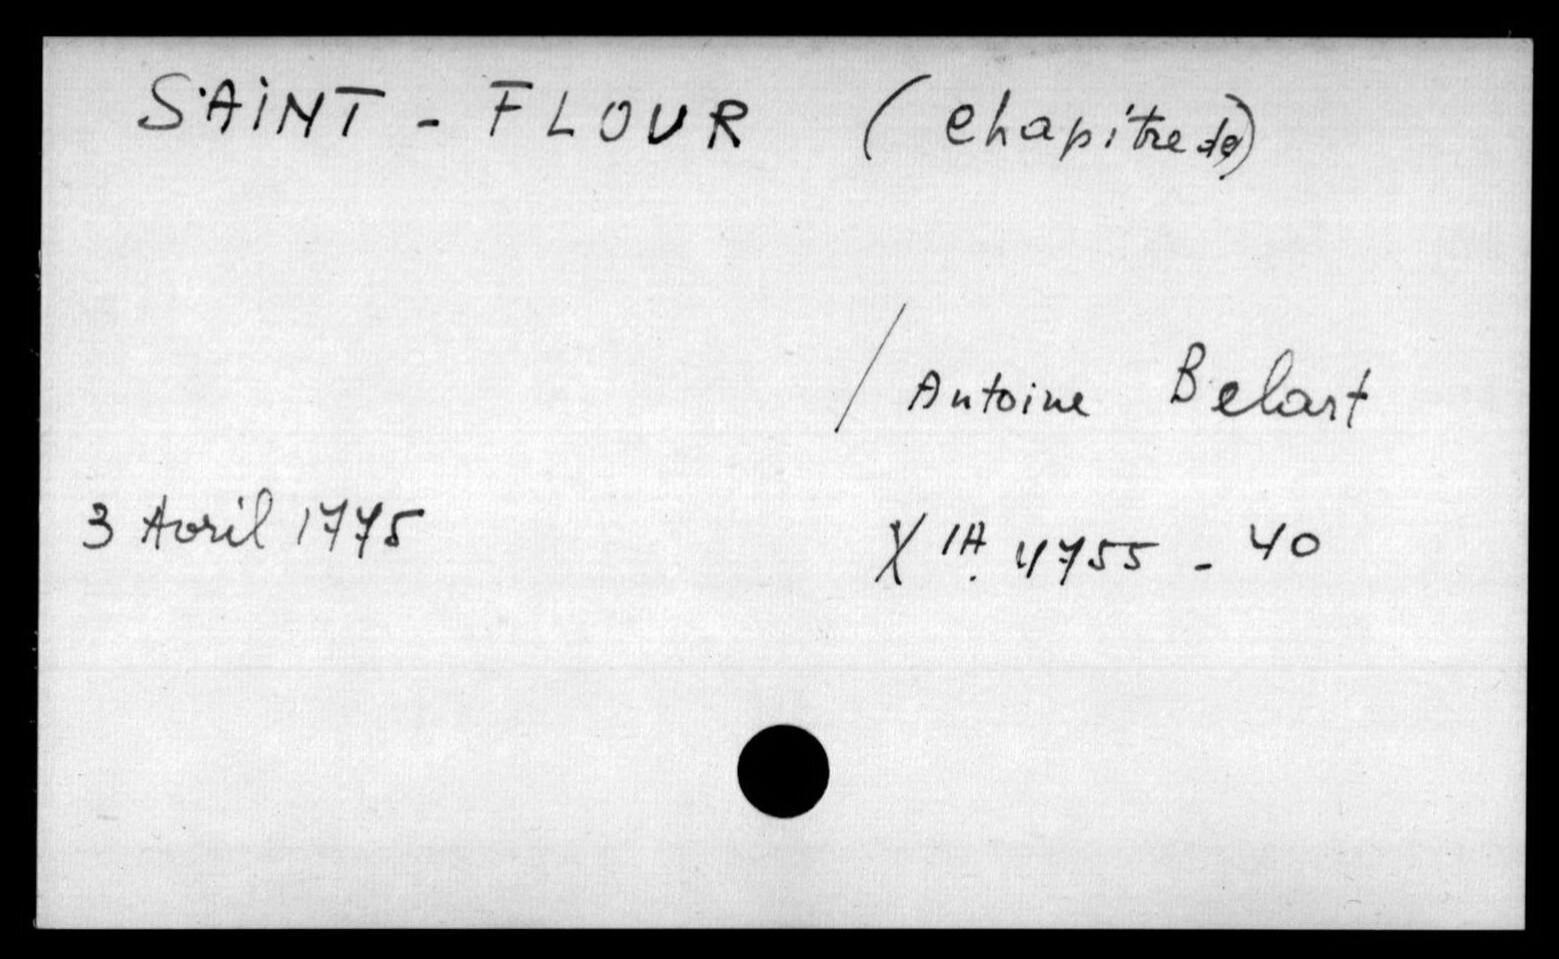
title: SAINT-FLOUR (Chapitre de)
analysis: Contre Antoine Belart
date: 3 avril 1775
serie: X1A
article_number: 4755
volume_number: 40
